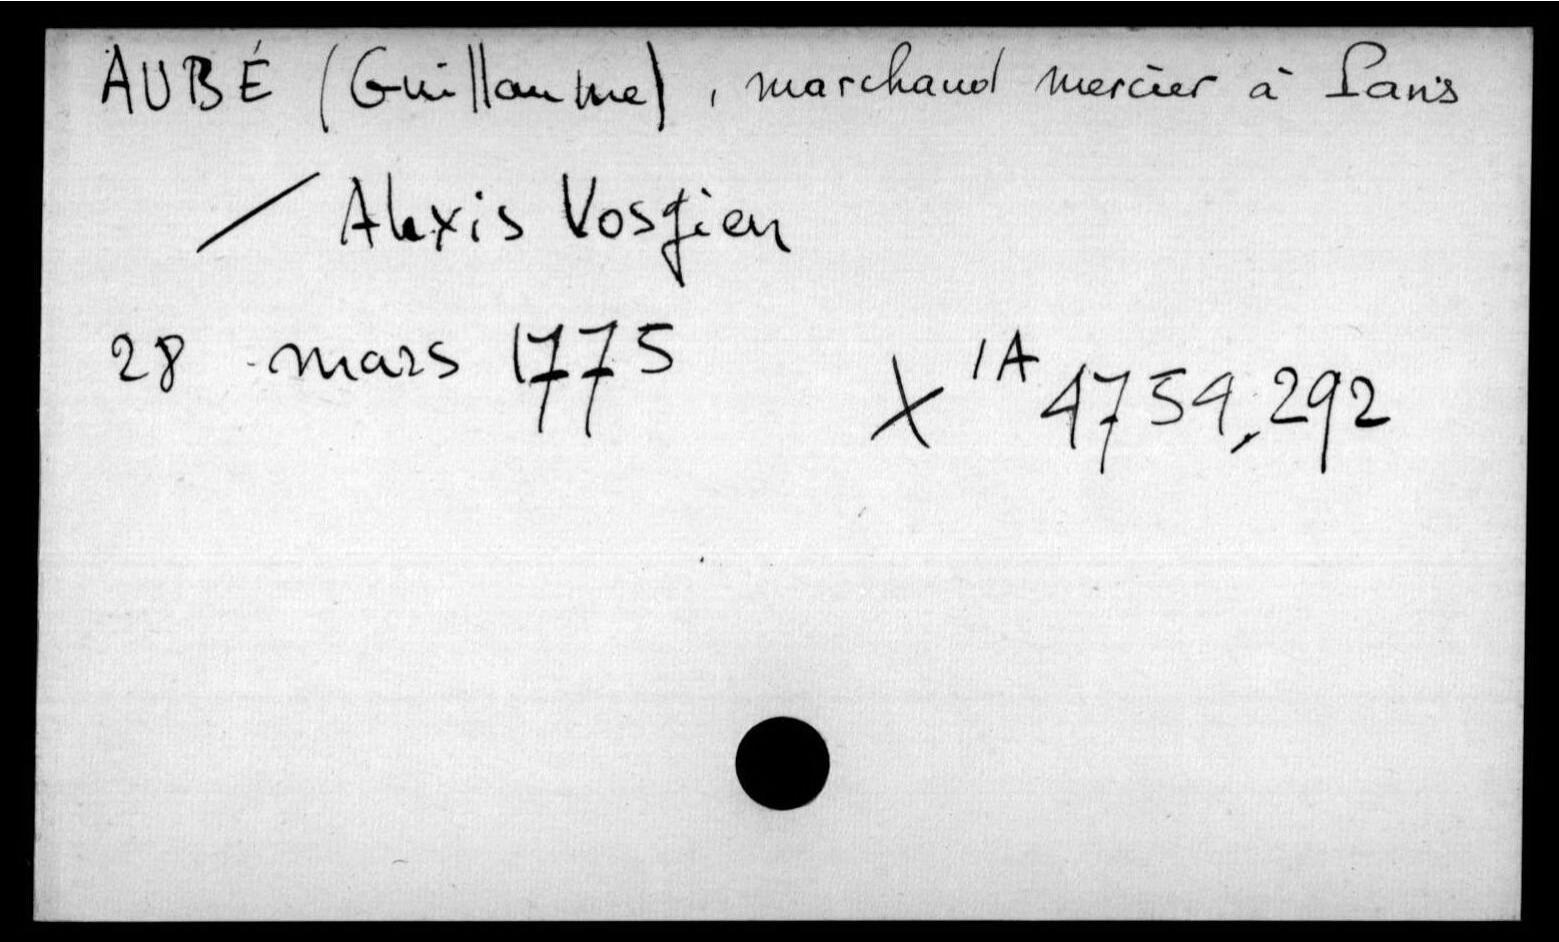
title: AUBÉ (Guillaume), marchand mercier à Paris
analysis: Contre Alexis Vosgien
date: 28 mars 1775
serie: X1A
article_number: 4754
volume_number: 292
